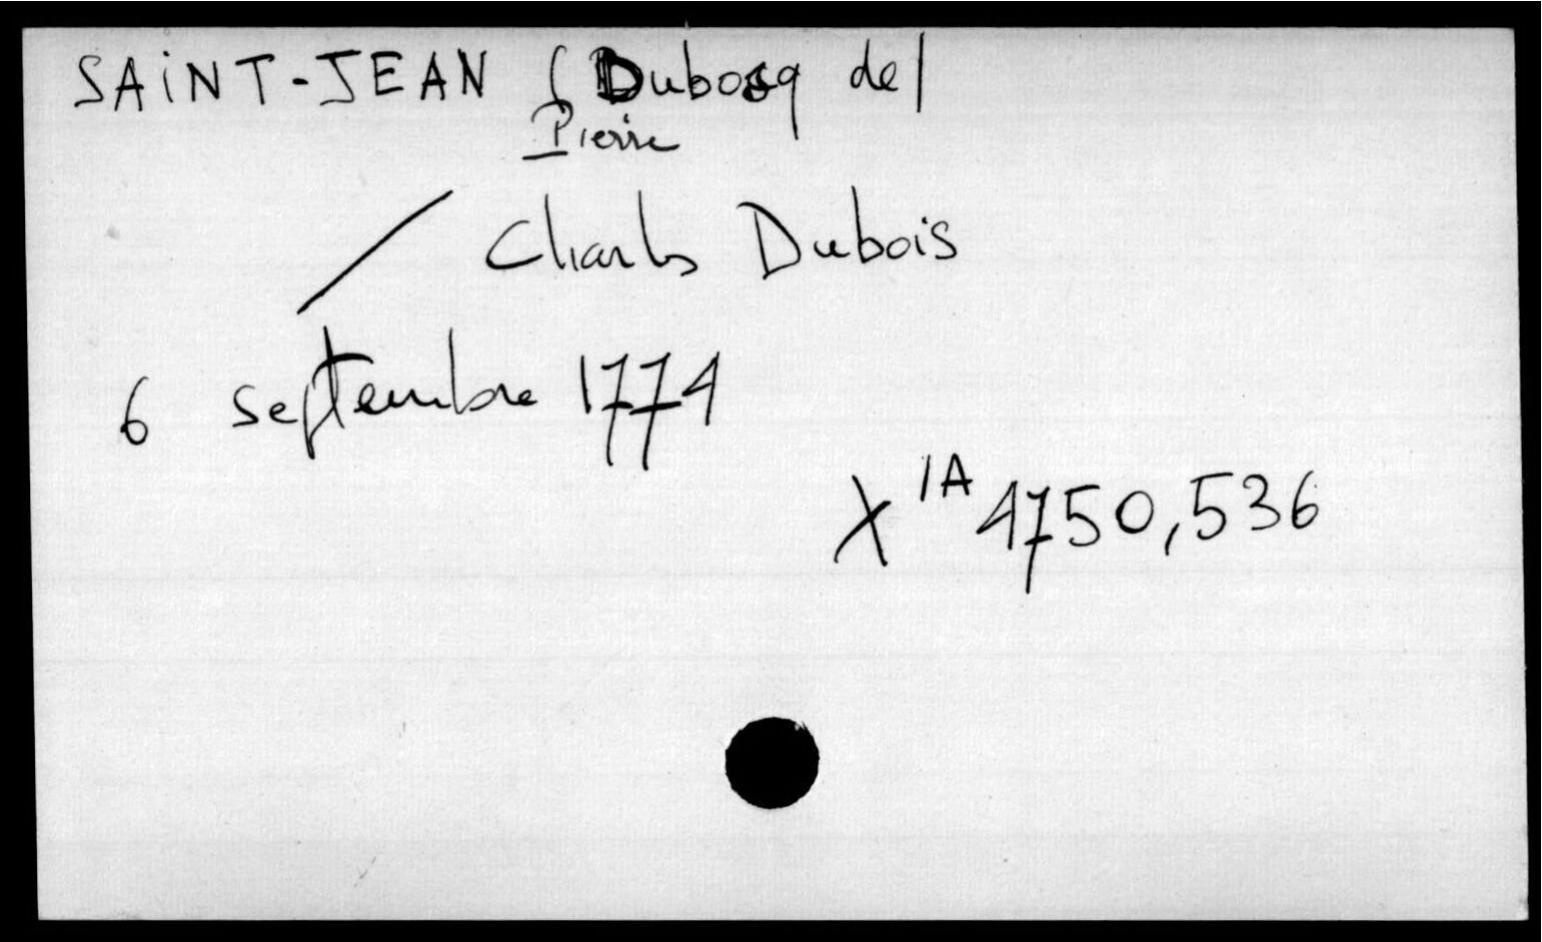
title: SAINT-JEAN (Dubosq de) Pierre
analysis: Contre Charles Dubois
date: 6 septembre 1774
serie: X1A
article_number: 4750
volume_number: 536
